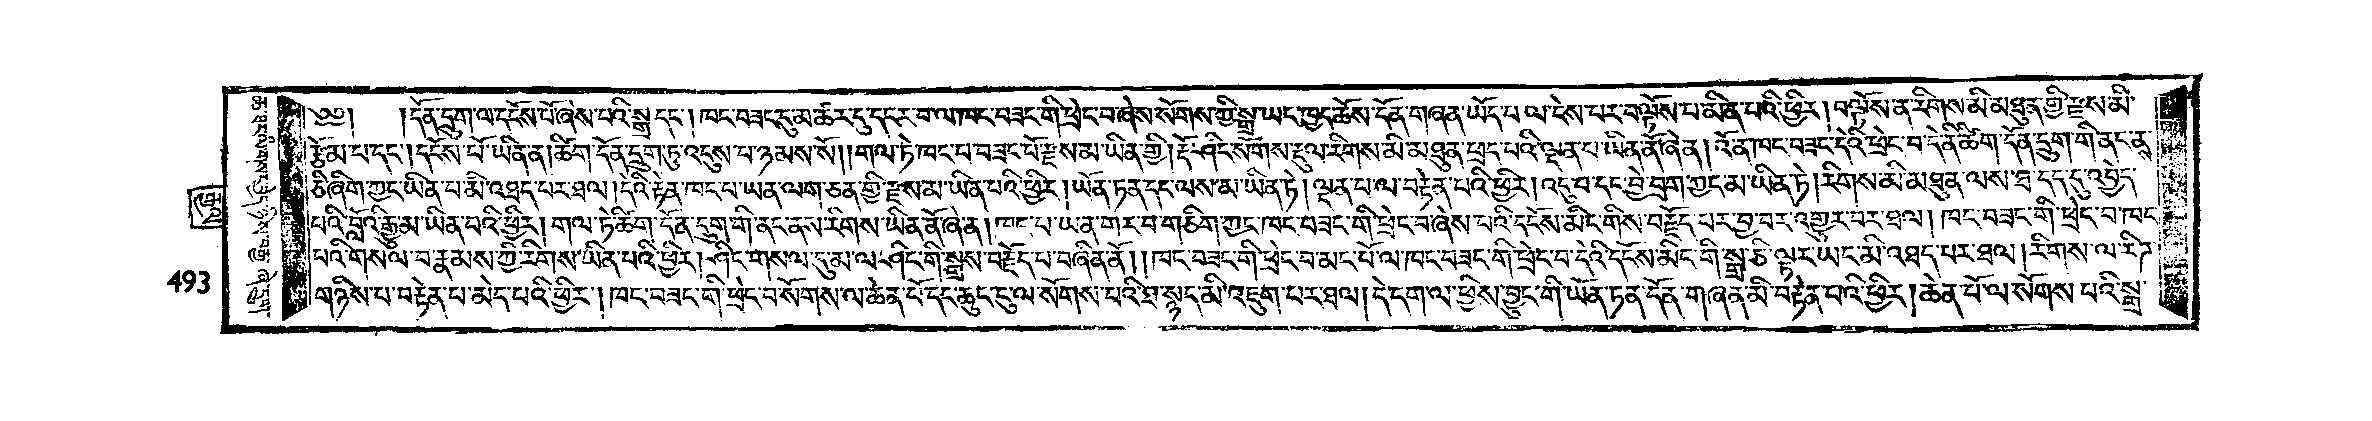༄༅། །དོན་དྲུག་ལ་དངོས་པོ་ཞེས་པའི་སྒྲ་དང་། ཁང་བཟང་དུ་མཚར་དུ་དངར་བ་ལ་ཁང་བཟང་གི་ཕྲེང་བ་ཞེས་སོགས་ཀྱི་སྒྲ་ཡང་ཁྱད་ཆོས་དོན་གཞན་ཡོད་པ་ལ་ངེས་པར་བལྟོས་པ་མིན་པའི་ཕྱིར། བལྟོས་ན་རིགས་མི་མཐུན་གྱི་རྫས་མི་
རྩོམ་པ་དང་། དངོས་པོ་ཡིན་ན། ཚིག་དོན་དྲུག་ཏུ་འདུས་པ་ཉམས་སོ། །གལ་ཏེ་ཁང་པ་བཟང་པོ་རྫས་མ་ཡིན་གྱི། རྡོ་ཤིང་སོགས་རྡུལ་རིགས་མི་མཐུན་ཕྲད་པའི་ལྡན་པ་ཡིན་ནོ་ཞེ་ན། འོ་ན་ཁང་བཟང་དེའི་ཕྲེང་བ་དེ་ནི་ཚིག་དོན་དྲུག་གི་ནང་ནས་
ཅི་ཞིག་ཀྱང་ཡིན་པ་མི་འཐད་པར་ཐལ། དེའི་རྟེན་ཁང་པ་ཡན་ལག་ཅན་གྱི་རྫས་མ་ཡིན་པའི་ཕྱིར། ཡོན་ཏན་དང་ལས་མ་ཡིན་ཏེ། ལྡན་པ་ལ་བརྟེན་པའི་ཕྱིར། འདུ་བ་དང་བྱེ་བྲག་ཀྱང་མ་ཡིན་ཏེ། རིགས་མི་མཐུན་ལས་ཐ་དད་དུ་འབྱེད་
པའི་བློའི་རྒྱུ་མ་ཡིན་པའི་ཕྱིར། གལ་ཏེ་ཚིག་དོན་དྲུག་གི་ནང་ནས་རིགས་ཡིན་ནོ་ཞེ་ན། ཁང་པ་ཡན་གར་བ་གཅིག་ཀྱང་ཁང་བཟང་གི་ཕྲེང་བ་ཞེས་པའི་དངོས་མིང་གིས་བརྗོད་པར་བྱ་བར་འགྱུར་བར་ཐལ། ཁང་བཟང་གི་ཕྲེང་བ་ཁང་
པའི་གསལ་བ་རྣམས་ཀྱི་རིགས་ཡིན་པའི་ཕྱིར། ཤིང་གསལ་དུ་མ་ལ་ཤིང་གི་སྒྲས་བརྗོད་པ་བཞིན་ནོ། ཁང་བཟང་གི་ཕྲེང་བ་མང་པོ་ལ་ཁང་བཟང་གི་ཕྲེང་བ་དེའི་དངོས་མིང་གི་སྒྲ་ཅི་ལྟར་ཡང་མི་འཐད་པར་ཐལ། རིགས་ལ་རིགས་
གཉིས་པ་བརྟེན་པ་མེད་པའི་ཕྱིར། ཁང་བཟང་གི་ཕྲེང་བ་སོགས་ལ་ཆེན་པོ་དང་ཚུང་ངུ་ལ་སོགས་པའི་ཐ་སྙད་མི་འཇུག་པར་ཐལ། དེ་དག་ལ་ཕྱིས་བྱུང་གི་ཡོན་ཏན་དོན་གཞན་མི་བརྟེན་པའི་ཕྱིར། ཆེན་པོ་ལ་སོགས་པའི་སྒྲ་